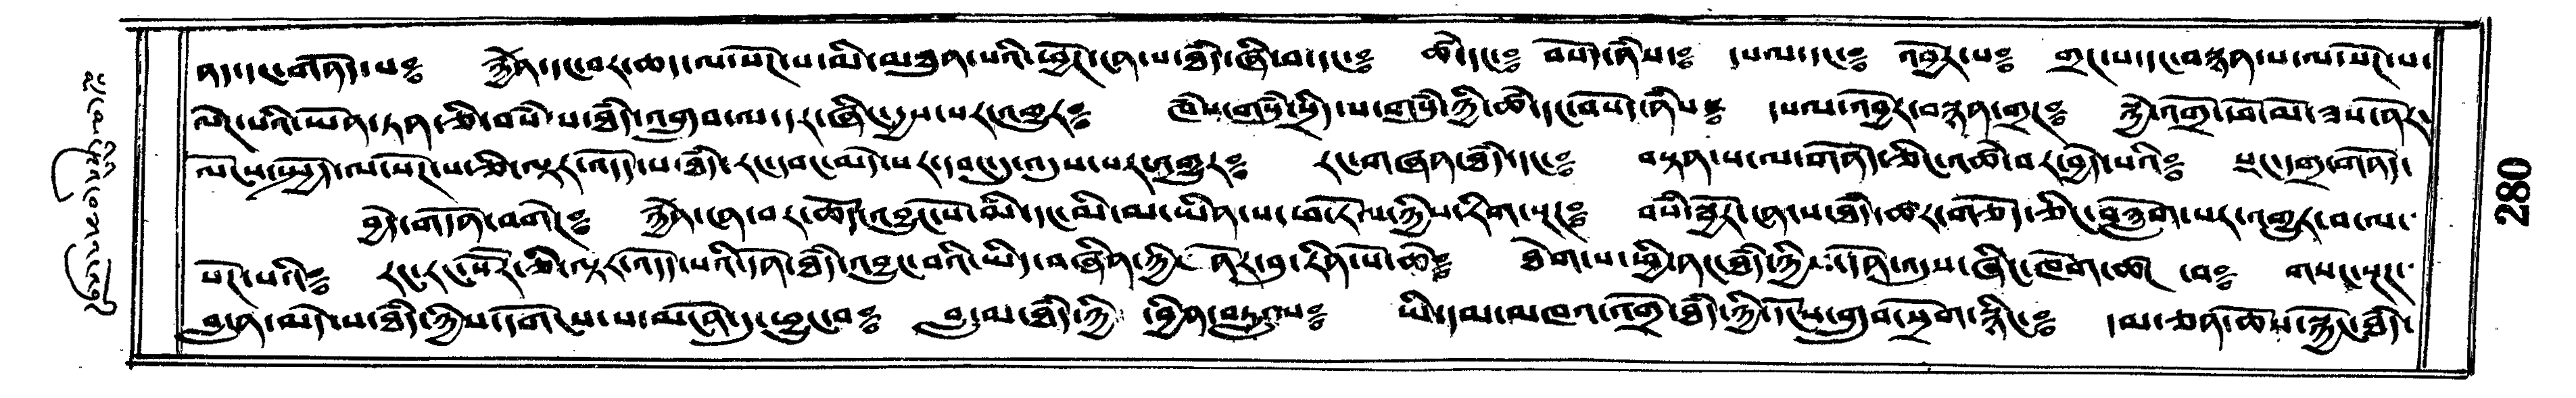ནད་དང་གནོད་པ༔ རྐྱེན་དང་བར་ཆད་ལ་སོགས་པ་མི་མཐུན་པའི་ཕྱོགས་ངན་པ་ཐམས་ཅད་ཞི་བ་དང༔ ཚེ་དང༔ བསོད་ནམས༔ དཔལ་དང༔ འབྱོར་པ༔ གྲགས་པ་དང་སྙན་པ་ལ་སོགས་པ་
ལེགས་པའི་ཡོན་ཏན་ཅི་བསམ་པ་ཐམས་ཅད་འགྲུབ་ལ་དར་ཞིང་རྒྱས་པར་འགྱུར༔ ཁམས་གསུམ་སྲིད་པ་གསུམ་ཀྱི་ཚེ་དང་བསོད་ནམས༔ དཔལ་འབྱོར་སྙན་གྲགས༔ སྐྱེ་འགྲོ་ཕོ་མོ་ཟས་ནོར་
ལོངས་སྤྱོད་ལ་སོགས་པ་ཅི་ལྟར་འདོད་པ་ཐམས་ཅད་རང་དབང་མེད་པར་དབང་དུ་འདུས་པར་འགྱུར༔ རང་གཞན་ཐམས་ཅད་དང༔ བསྟན་པ་ལ་གནོད་ཅིང་འཚེ་བར་བྱེད་པའི༔ སྡང་དགྲ་གནོད་
བྱེད་གདོན་བགེགས༔ རྐྱེན་ངན་བར་ཆད་འབྱུང་པོ་མི་དང་མི་མ་ཡིན་པ་ཕ་རོལ་ཀྱི་རིགས་སྔགས༔ བསམ་སྦྱོར་ངན་པ་ཐམས་ཅད་ཚར་གཅོད་ཅིང་བཟློག་པར་འགྱུར་བ་ལ་
སོགས་པའི༔ རང་རང་སོ་སོར་ཅི་ལྟར་འདོད་པའི་དོན་ཐམས་ཅད་འབྱུང་བའི་ཡིད་བཞིན་ཀྱི་ནོར་བུ་རིན་པོ་ཆེ༔ ཐེག་པ་ཕྱི་ནང་ཐམས་ཅད་ཀྱི་དོན་འདུས་ཞིང་ཁོག་ཚང་བ༔ གསང་སྔགས་
བླ་ན་མེད་པ་ཐམས་ཅད་ཀྱི་དགོངས་པ་མངོན་དུ་ཕྱུང་བ༔ བླ་མ་ཐམས་ཅད་ཀྱི་བྱིན་རླབས༔ ཡི་དམ་མཁའ་འགྲོ་ཐམས་ཅད་ཀྱི་དངོས་གྲུབ་དང་སྲོག་སྙིང༔ དམ་ཅན་ཆོས་སྐྱོང་ཐམས་ཅད་